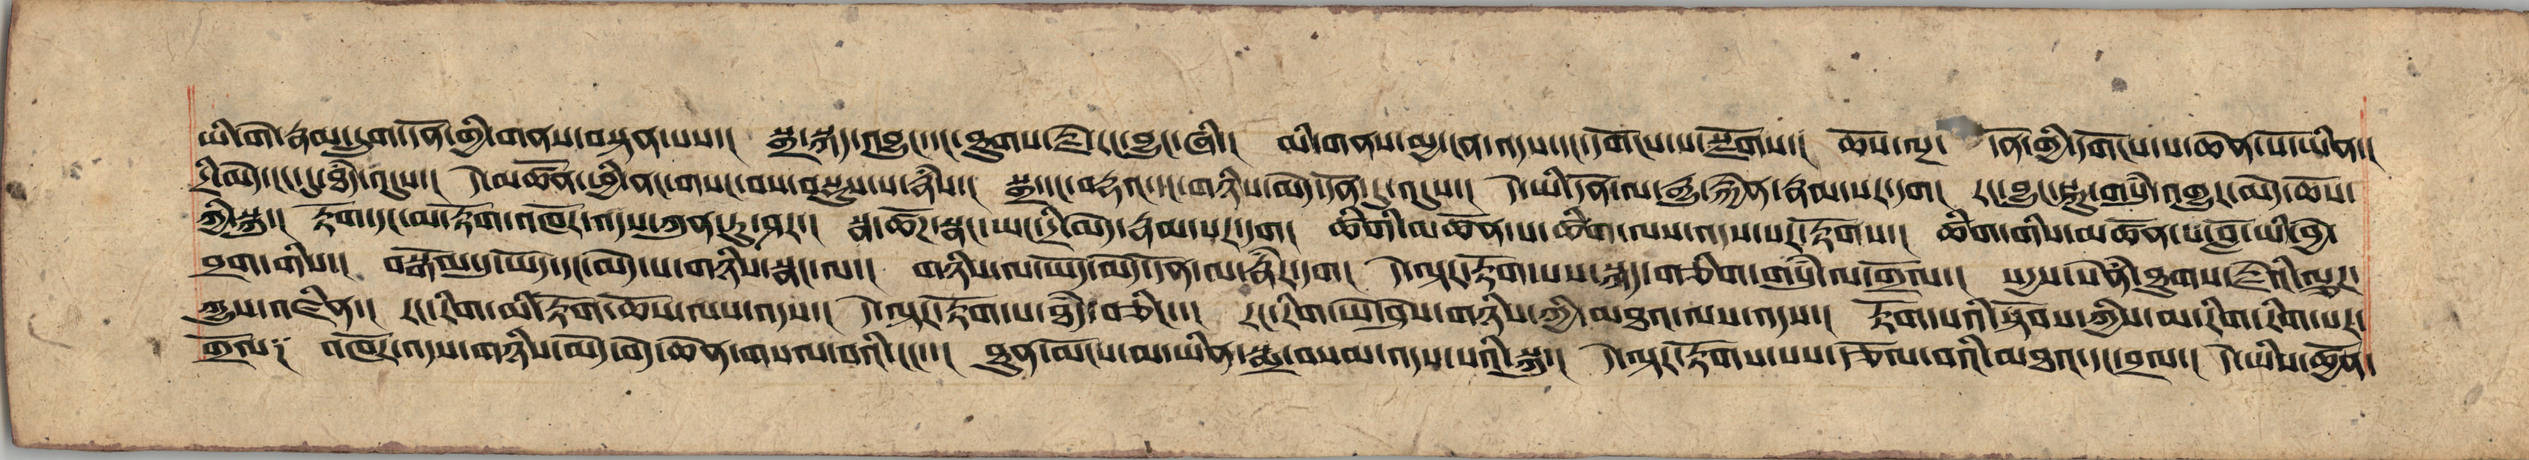ཡི་གེ་རྣམ་དྲུག་དོན་གྱི་གནས་བསྟན་པས་། སྒྲ་སྐད་འབྱུང་དང་ཐུགས་རྗེ་རང་བྱུང་ཞི་། མི་གནས་མྱ་ངན་འདས་དང་དགོངས་པ་སྫོགས་། ཆོས་ལྔ་ དོན་གྱི་དགོངས་པ་ཆེན་པོ་ཡིན་།
དྲི་མེད་ངང་དུ་ཐཾད་འདུས་། དེ་མཚོན་ཕྱི་ནང་གསང་བས་བསྡུས་པ་རྣཾས་། སྒྲ་དང་བརྡའ་དང་གཉིས་མེད་དོན་དུ་འདུས་། དེ་ཡི་དོན་ལ་རྒྱུ་རྐྱེན་རྣམ་པར་དག། རང་བྱུང་སྐུ་གསུཾ་འགྱུར་མེད་ཆོས་
ཀྱི་སྐུ་། རྟོག་དང་མ་རྟོག་འཁོར་འདས་ཀུན་ཏུ་ཤར་། སྣ་ཚོཌ་སྣང་ཡང་དྲི་མེད་རྣམ་པར་དག། ཚིགི་མཚོན་པ་ཚིག་ལས་འདས་པར་རྟོགས་། ཚིག་གིས་མཚོན་པ་བློ་ཡི་བྱེ་
བྲག་གིས་། བསྒོམསུ་ཡོད་དང་མེད་པ་གཉིས་སྣང་ལ་། གཉིས་ལ་ཡོད་མེད་དོན་ལ་རྣཾར་དག། དེ་ལྟར་རྟོག་པས་སྐད་གཅིག་གསུཾ་ལ་གྲོལ་། སདྱས་སེཾན་ཐུགས་རྗེའི་ལྕཌ་
ཀྱུས་འཛིན་། རང་རིག་མི་རྟོག་ཆོས་ལས་འདས་། དེ་ལྟར་རྟོག་པ་ཐཾད་བཅིང་་། རང་རིག་ཡེ་ཤེས་གཉིས་ཀྱི་མཐའ་ལས་འདས་། རྟོག་པའི་སྟོབས་ཀྱིས་མ་རིག་རིག་པར་
གྲོལ༑ འཁོར་འདས་གཉིས་མེད་བདེ་ཆེན་གསལ་བའི་ངང་་། ཐུན་མོངས་མ་ཡིན་སྨྲ་བསམ་འདས་པའི་སྐུ་། དེ་ལྟར་རྟོགས་པས་རྩོལ་བའི་མཐའ་དང་བྲལ་། དེ་ཡི་ཚྱོན་